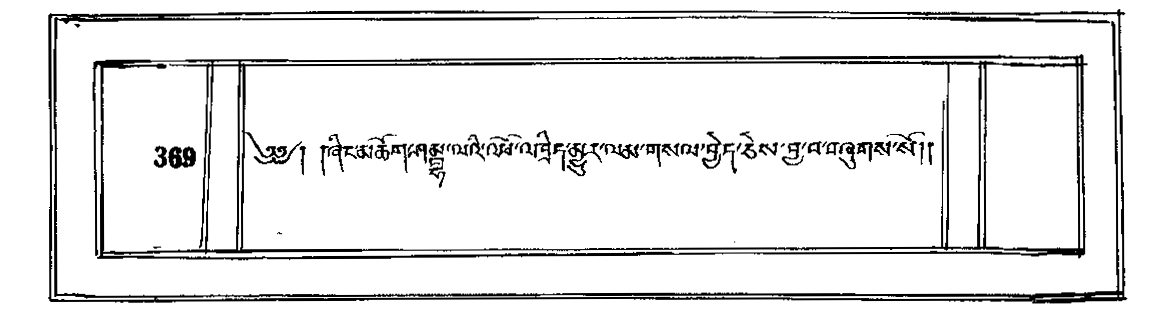༄༅། །ཞིང་མཆོག་ཤམྦྷ་ལའི་འཕོ་འཁྲིད་མྱུར་ལམ་གསལ་བྱེད་ཅེས་བྱ་བ་བཞུགས་སོ།།